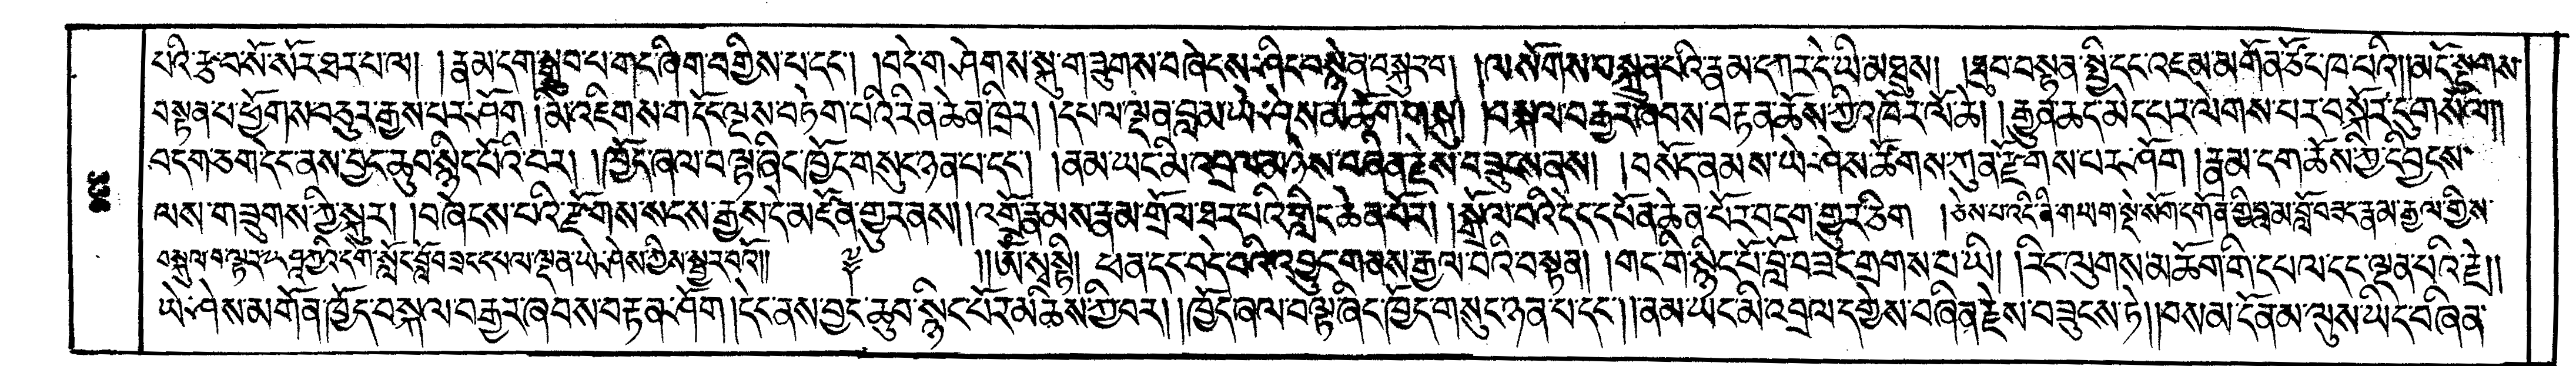པའི་རྩ་བ་སོ་སོར་ཐར་པ་ལ། །རྣམ་དག་སྒྲུབ་པ་གང་ཞིག་བགྱིས་པ་དང་། །བདེ་གཤེགས་སྐུ་གཟུགས་བཞེངས་ཤིང་བསྙེན་བཀུར་པ། །ལ་སོགས་བསྐྲུན་པའི་རྣམ་དཀར་དེ་ཡི་མཐུས། །ཐུབ་བསྟན་སྤྱི་དང་འཇམ་མགོན་ཙོང་ཁ་པའི། །མདོ་སྔགས་
བསྟན་པ་ཕྱོགས་བཅུར་རྒྱས་པར་ཤོག །མི་འཇིགས་གདོང་ལྔས་བཏེག་པའི་རིན་ཆེན་ཁྲིར། །དཔལ་ལྡན་བླ་མ་ཡེ་ཤེས་མཆོག་གི་སྐུ། །བསྐལ་བརྒྱར་ཞབས་བརྟན་ཆོས་ཀྱི་འཁོར་ལོ་ཆེ། །རྒྱུན་ཆད་མེད་པར་ལེགས་པར་བསྐོར་དུ་གསོལ།།
བདག་ཅག་དེང་ནས་བྱང་ཆུབ་སྙིང་པོའི་བར། །ཁྱོད་ཞལ་བལྟ་ཞིང་ཁྱོད་གསུང་ཉན་པ་དང་། །ནམ་ཡང་མི་འབྲལ་མཉེས་བཞིན་རྗེས་བཟུངས་ནས། །བསོད་ནམས་ཡེ་ཤེས་ཚོགས་ཀུན་རྫོགས་པར་ཤོག །རྣམ་དག་ཆོས་ཀྱི་དབྱིངས་
ལས་གཟུགས་ཀྱི་སྐུར། །བཞངས་པའི་རྫོགས་སངས་རྒྱས་དེ་མངོན་གྱུར་ནས། །འགྲོ་རྣམས་རྣམ་གྲོལ་ཐར་པའི་གླིང་ཆེན་པོར། །སྒྲོལ་བའི་དེད་དཔོན་ཆེན་པོར་བདག་གྱུར་ཅིག །ཅེས་པ་འདི་ནི་གཡག་སྡེ་སོག་དགོན་གྱི་བླ་མ་བློ་བཟང་རྣམ་རྒྱལ་གྱིས་
བསྐུལ་བ་ལྟར ༧་ཤཱཀྱའི་དགེ་སློང་བློ་བཟང་དཔལ་ལྡན་ཡེ་ཤེས་ཀྱིས་སྦྱར་བའོ།།  ༈ །།ཨོཾ་སྭསྟི། ཕན་དང་བདེ་བའི་འབྱུང་གནས་རྒྱལ་བའི་བསྟན། །གང་གི་སྙིང་པོ་བློ་བཟང་གྲགས་པ་ཡི། །རིང་ལུངས་མཆོག་གི་དཔལ་དང་ལྡན་པའི་རྗེ།།
ཡེ་ཤེས་མགོན་ཁྱོད་བསྐལ་བརྒྱར་ཞབས་བརྟན་ཤོག །དེང་ནས་བྱང་ཆུབ་སྙིང་པོར་མཆིས་ཀྱི་བར། །ཁྱོད་ཞལ་བལྟ་ཞིང་ཁྱོད་གསུང་ཉན་པ་དང་། །ནམ་ཡང་མི་འབྲལ་དགྱེས་བཞིན་རྗེས་བཟུངས་ཏེ། །བསམ་དོན་མ་ལུས་ཡིད་བཞིན་